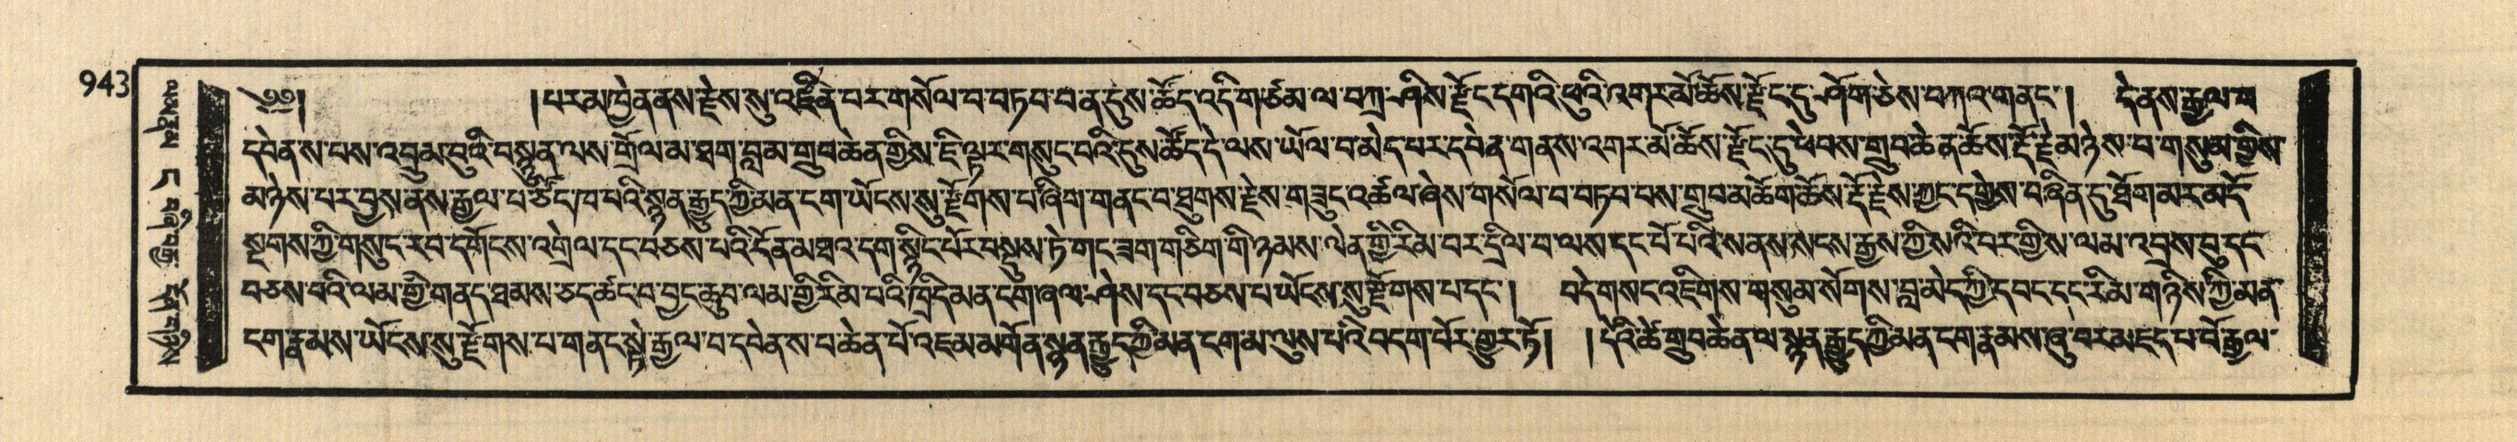༄༅། །པར་མཁྱེན་ནས་རྗེས་སུ་འཛིན་པར་གསོལ་བ་བཏབ་བ་ན་དུས་ཚོད་འདི་ག་ཙམ་ལ་བཀྲ་ཤིས་རྫོང་དགའི་ཕུའི་འགར་མོ་ཆོས་རྫོང་དུ་ཤོག་ཅེས་བཀའ་གནང་། དེ་ནས་རྒྱལ་བ་
དབེན་ས་པས་འབྲུམ་བུའི་བསྙུན་ལས་གྲོལ་མ་ཐག་བླ་མ་གྲུབ་ཆེན་གྱིས་ཇི་ལྟར་གསུང་བའི་དུས་ཚོད་དེ་ལས་ཡོལ་བ་མེད་པར་དབེན་གནས་འགར་མོ་ཆོས་རྫོང་དུ་ཕེབས་གྲུབ་ཆེན་ཆོས་རྡོ་རྗེ་མཉེས་པ་གསུམ་གྱིས་
མཉེས་པར་བྱས་ནས་རྒྱལ་པ་ཙོང་ཁ་པའི་སྙན་རྒྱུད་ཀྱི་མན་ངག་ཡོངས་སུ་རྫོགས་པ་ཞིག་གནང་བ་ཐུགས་རྗེས་གཟུང་འཚལ་ཞེས་གསོལ་བ་བཏབ་པས་གྲུབ་མཆོག་ཆོས་རྡོ་རྗེས་ཀྱང་དགྱེས་བཞིན་དུ་ཐོག་མར་མདོ་
སྔགས་ཀྱི་གསུང་རབ་དགོངས་འགྲེལ་དང་བཅས་པའི་དོན་མཐའ་དག་སྙིང་པོར་བསྡུས་ཏེ་གང་ཟག་གཅིག་གི་ཉམས་ལེན་གྱི་རིམ་བར་དྲིལ་བ་ལས་དང་པོ་པའི་ས་ནས་སངས་རྒྱས་ཀྱི་སའི་བར་གྱིས་ལམ་འབྲས་བུ་དང་
བཅས་པའི་ལམ་གྱི་གནད་ཐམས་ཅད་ཚང་བ་བྱང་ཆུབ་ལམ་གྱི་རིམ་པའི་ཁྲིད་མན་ངག་ཞལ་ཤེས་དང་བཅས་པ་ཡོངས་སུ་རྫོགས་པ་དང་། བདེ་གསང་འཇིགས་གསུམ་སོགས་བླ་མེད་ཀྱི་དབང་དང་རིམ་གཉིས་ཀྱི་མན་
ངག་རྣམས་ཡོངས་སུ་རྫོགས་པ་གནང་སྟེ་རྒྱལ་བ་དབེན་ས་པ་ཆེན་པོ་འཇམ་མགོན་སྙན་རྒྱུད་ཀྱི་མན་ངག་མ་ལུས་པའི་བདག་པོར་གྱུར་ཏོ། །དེའི་ཚེ་གྲུབ་ཆེན་ལ་སྙན་རྒྱུད་ཀྱི་མན་ངག་རྣམས་ཞུ་བར་མཛད་པ་པོ་རྒྱལ་